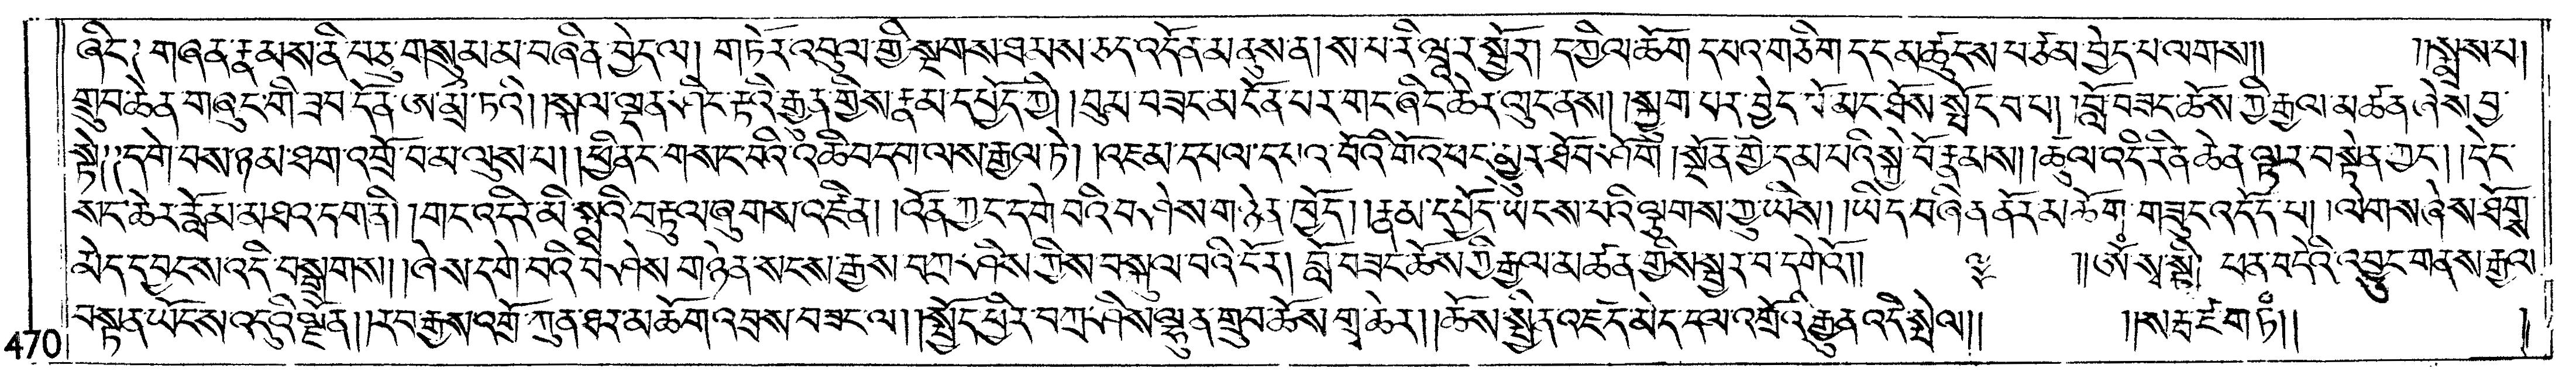ཞིང་། གཞན་རྣམས་ནི་བཅུ་གསུམ་མ་བཞིན་བྱེད་ལ། གཏོར་འབུལ་གྱི་སྔགས་ཐམས་ཅད་འདོན་མ་ནུས་ན། ས་པ་རི་ཝཱ་ར་སྦྱོར། དཀྱིལ་ཆོག་དཔའ་གཅིག་དང་མཚུངས་པ་ཙམ་བྱེད་པ་ལགས།། །།སྨྲས་པ།
གྲུབ་ཆེན་གཞུང་གི་ཟབ་དོན་ཨ་མྲྀ་ཏའི། །སྐལ་ལྡན་ཤིང་རྟའི་རྒྱུན་གྱིས་རྣམ་དཔྱོད་ཀྱི། །བུམ་བཟང་མངོན་པར་གང་ཞིང་ཆེར་ལུང་ནས། །སྐྱུག་པར་བྱེད་པོ་མང་ཐོས་སྤོང་བ་པ། །བློ་བཟང་ཆོས་ཀྱི་རྒྱལ་མཚན་ཞེས་བྱ་
སྟེ། །དགེ་བས་ཉམ་ཐག་འགྲོ་བ་མ་ལུས་པ། །ཕྱི་ནང་གསང་བའི་འཆི་བདག་ལས་རྒྱལ་ཏེ། །འཇམ་དཔལ་དཔའ་བོའི་གོ་འཕང་མྱུར་ཐོབ་ཤོག །སྔོན་གྱི་དམ་པའི་སྐྱེ་བོ་རྣམས། །ཚུལ་འདི་རིན་ཆེན་ལྟར་བསྟེན་ཀྱང་། །དེང་
སང་ཆེར་རློམ་མཐའ་དག་ནི། །གང་འདིར་མི་སྨྲའི་བརྟུལ་ཞྒུས་འཛིན། །འོན་ཀྱང་དགེ་བའི་བཤེས་གཉེན་ཁྱོད། །རྣམ་དཔྱོད་ཡངས་པའི་ལྕགས་ཀྱུ་ཡིས། །ཡིད་བཞིན་ནོར་མཆོག་གཟུང་འདོད་པ། ལེགས་ཞེས་ཐོགས་
མེད་དབྱངས་འདི་བསྒྲགས། །ཞེས་དགེ་བའི་བཤེས་གཉེན་སངས་རྒྱས་བཀྲ་ཤིས་ཀྱིས་བསྐུལ་བའི་ངོར། བློ་བཟང་ཆོས་ཀྱི་རྒྱལ་མཚན་གྱིས་སྦྱར་བ་དགེའོ།། ༈ །།ཨོཾ་སྭསྟི། ཕན་བདེའི་འབྱུང་གནས་རྒྱལ་
བསྟན་ཡོངས་འདུའི་ལྗོན། །རབ་རྒྱས་འགྲོ་ཀུན་ཐར་མྕྒྷོག་འབྲས་བཟང་ལ། །སྤྱོད་ཕྱིར་བཀྲ་ཤིས་ལྷུན་གྲུབ་ཆོས་གྲྭ་ཆེར། ཆོས་སྦྱིན་འཛད་མེད་དལ་འགྲོའི་རྒྱུན་འདི་སྤེལ།། །།སརྦ་ཛ་གཏཾ།། །།